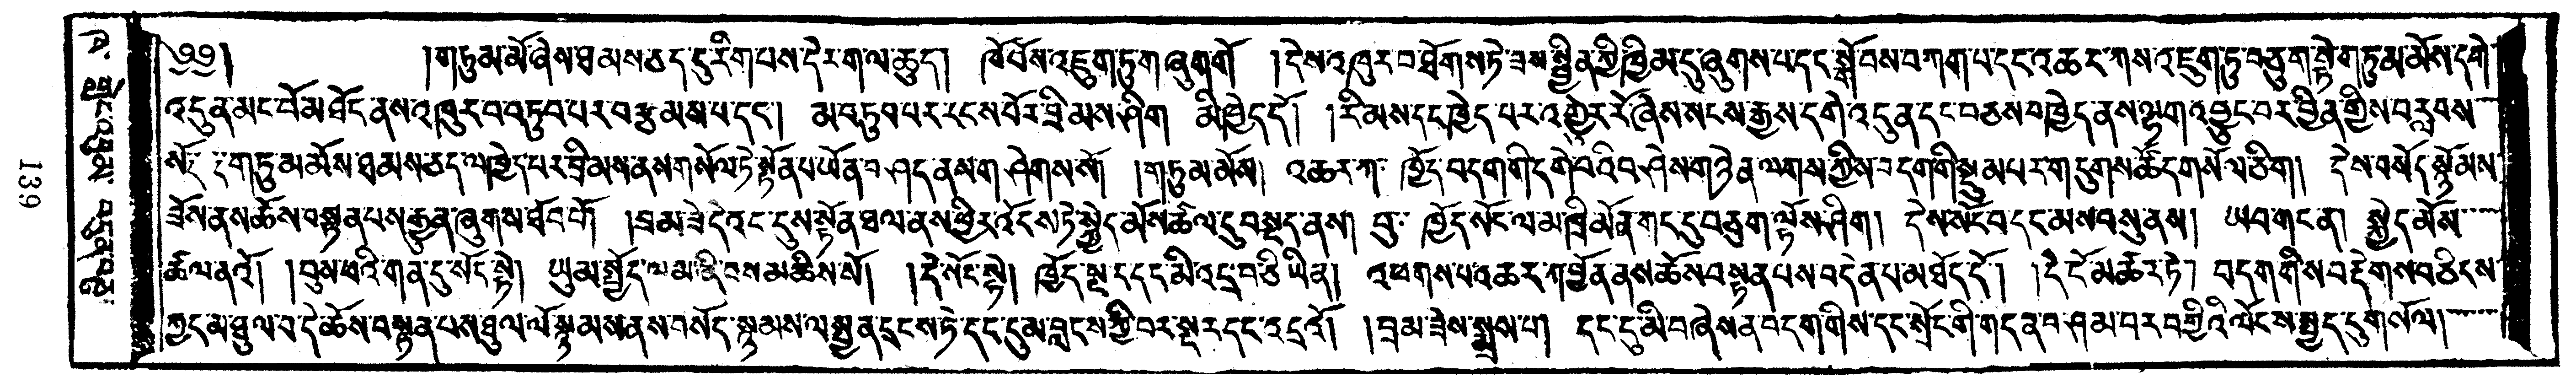༄༅། །གཏུམ་མོ་ཞེས་ཐམས་ཅད་དུ་རིག་པས་དེར་ག་ལ་ཆུད། ཁོ་བོས་འཇུག་ཏུ་གཞུག་གོ །དེས་འཁུར་བ་ཐོགས་ཏེ་ཟས་སྦྱིན་ཀྱི་ཁྱིམ་དུ་ཞུགས་པ་དང་སྒོ་བས་བཀག་པ་དང་འཆར་ཀས་འཇུག་ཏུ་བཅུག་སྟེ་གཏུམ་མོས་དགེ་
འདུན་མང་པོ་མཐོང་ནས་འཁུར་བ་བཏུབ་པར་བརྩམས་པ་དང་། མ་བཏུབ་པར་རངས་པོར་བྲིམས་ཤིག །མི་ཁྱེད་དོ། །རིམས་དང་ཁྱེད་པར་འགྱུར་རོ་ཞེས་སངས་རྒྱས་དགེ་འདུན་དང་བཅས་བ་ཁྱེད་ནས་ལྷག་འབྱུང་བར་བྱིན་གྱིས་བརླབས་
སོ༑ ༑གཏུམ་མོས་ཐམས་ཅད་ལ་ཁྱེད་པར་བྲི་མས་ནས་གསོལ་ཏེ་སྟོན་པ་ཡོན་བཤད་ནས་གཤེགས་སོ། །གཏུམ་མོས། འཆར་ཀཿ ཁྱོད་བདག་གི་དགེ་བའི་བཤེས་གཉེན་ལགས་ཀྱིས་བདག་གི་སྡུམ་པར་གདུགས་ཚད་གསོལ་ཅིག། དེས་བསོད་སྙོམས་
ཟོས་ནས་ཆོས་བསྟན་པས་རྒྱུན་ཞུགས་ཐོབ་བོ། །བྲམ་ཟེ་དེའང་དུས་སྟོན་ཐལ་ནས་ཕྱིར་འོངས་ཏེ་སྐྱེད་མོས་ཚལ་དུ་བསྡད་ནས། བུ༑ ཁྱོད་སོང་ལ་མ་ཁྲི་མོན་གང་དུ་བཅུག་ལྟོས་ཤིག། དེས་སོང་བ་དང་མས་བསུ་ནས། ཡབ་གང་ན། སྐྱེད་མོས་
ཚལ་ནའོ། །བུས་ཕའི་གན་དུ་སོང་སྟེ། ཡུམ་སྤྱོད་ལམ་ཞི་བས་མཆིས་སོ། །དེ་སོང་སྟེ། ཁྱོད་སྔར་དང་མི་འདྲ་བ་ཅི་ཡིན། འཕགས་པ་འཆར་ཀ་བྱོན་ནས་ཆོས་བསྟན་པས་བདེན་པ་མཐོད་དོ། །དེ་ངོ་མཚར་ཏེ། བདག་གིས་བརྡེགས་བཅིངས་
ཀྱང་མ་ཐུལ་བ་དེ་ཆོས་བསྟན་པས་ཐུལ་ལོ་སྙམས་ནས་བསོད་སྙམས་ལ་སྤྱན་དྲངས་ཏེ་དང་དུ་མ་བླངས་ཀྱི་བར་སྔར་དང་འདྲའོ། །བྲམ་ཟེས་སྨྲས་པ། དང་དུ་མི་བཞེས་ན་བདག་གིས་དང་སྲོང་གི་གདན་བཤམ་པར་བགྱིའི་ལོངས་སྤྱད་དུ་གསོལ། །